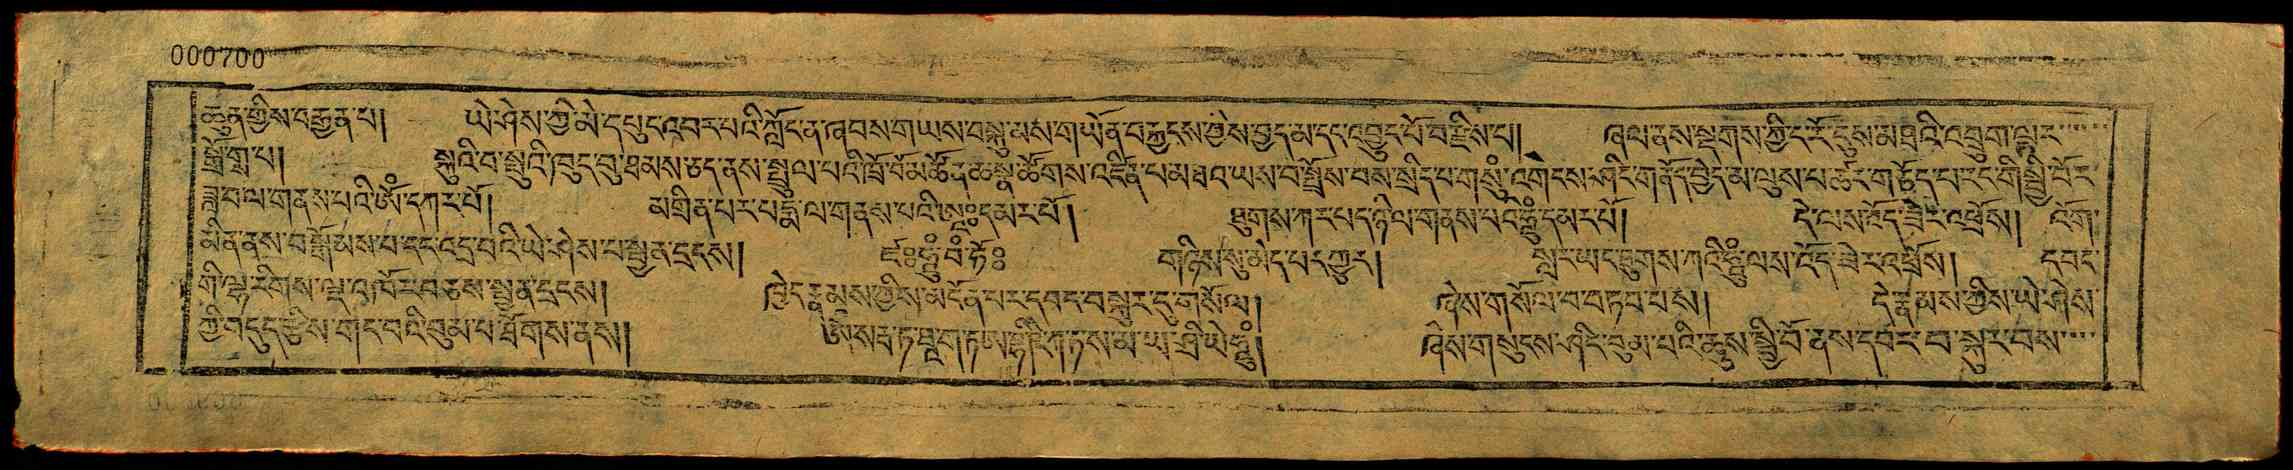ཀུན་གྱིས་བརྒྱན་པ། ཡེ་ཤེས་ཀྱི་མི་དཔུང་འབར་བའི་ཀློང་ན་ཞབས་གཡས་བསྐུམས་གཡོན་བརྐྱངས་ཀྱིས་བྱད་མདང་འབྱུང་པོ་བརྫིས་པ། ཞལ་ནས་སྔགས་ཀྱི་ང་རོ་དུས་མཐའི་འབྲུག་ལྟར་
སྒྲོགས་པ། སྐུའི་བ་སྤུའི་ཁུང་བུ་ཐམས་ཅད་ནས་སྤྲུལ་པའི་ཁྲོ་བོ་མཚོན་ཚ་སྣ་ཚོགས་འཛིན་པ་མཐའ་ཡས་པ་སྤྲོས་པས་སྲིད་པ་གསུཾ་འགེངས་ཤིང་གནོད་བྱེད་མ་ལུས་པ་ཚར་གཅོད་པ་རང་གི་སྤྱི་བོར་
ཟླ་བ་ལ་གནས་པའི་ཨོཾ་དཀར་པོ། མགྲིན་པར་པདམ་ལ་གནས་པའི་ཨཱཿ དམར་པོ། ཐུགས་ཀར་པད་ཉི་ལ་གནས་པའི་ཧཱུཾ་དམར་པོ། དེ་ལས་འོད་ཟེར་འཕྲོས། འོག་
མིན་ནས་བསྒོམས་པ་དང་འདྲ་བའི་ཡེ་ཤེས་པ་སྤྱན་དྲངས། ཛཿ ཧཱུཾ་བཾ་ཧོཿ གཉིས་སུ་མེད་པར་གྱུར། སླར་ཡང་ཐུགས་ཀའི་ཧཱུཾ་ལས་འོད་ཟེར་འཕྲོས། དབང་
གི་ལྷ་རིགས་ལྔ་འཁོར་བཅས་སྤྱན་དྲངས། ཁྱེད་རྣམས་ཀྱིས་མངོན་པར་དབང་བསྐུར་དུ་གསོལ། ཞེས་གསོལ་བ་བཏབ་པས། དེ་རྣམས་ཀྱིས་ཡེ་ཤེས་
ཀྱི་བདུད་རྩིས་གང་བའི་བུམ་པ་ཐོགས་ནས། ཨོཾ་སརྦ་ཏ་ཐཱ་ག་ཏ་ཨ་བྷི་ཥེ་ཀ་ཏ་ས་མ་ཡ་ཤྲི་ཡེ་ཧཱུཾ། ཞེས་གསུངས་ཤིང་བུམ་པའི་ཆུས་སྤྱི་བོ་ནས་དབང་བསྐུར་བས་